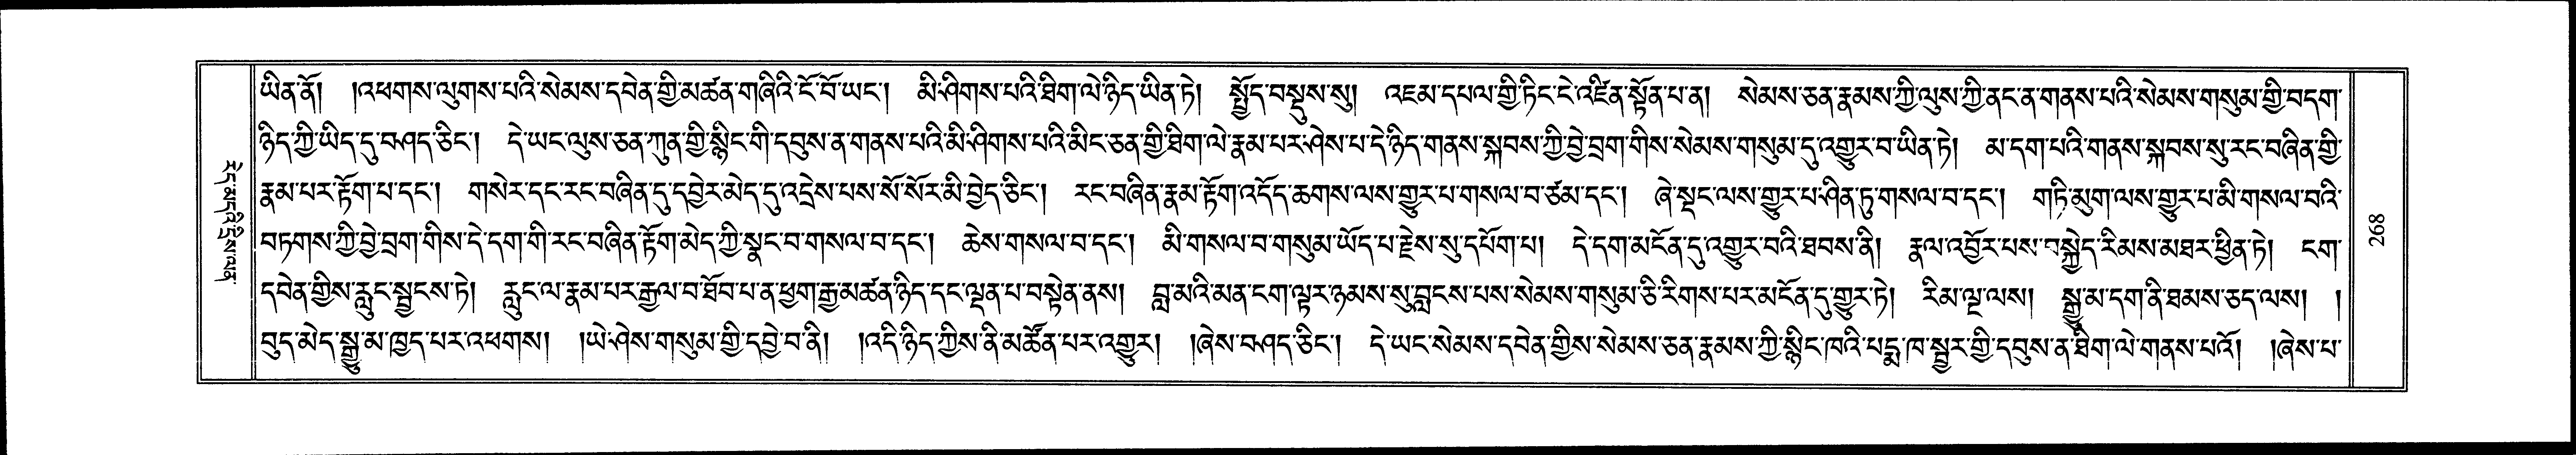ཡིན་ནོ། །འཕགས་ལུགས་པའི་སེམས་དབེན་གྱི་མཚན་གཞིའི་ངོ་བོ་ཡང་། མི་ཤིགས་པའི་ཐིག་ལེ་ཉིད་ཡིན་ཏེ། སྤྱོད་བསྡུས་སུ། འཇམ་དཔལ་གྱི་ཏིང་ངེ་འཛིན་སྟོན་པ་ན། སེམས་ཅན་རྣམས་ཀྱི་ལུས་ཀྱི་ནང་ན་གནས་པའི་སེམས་གསུམ་གྱི་བདག་
ཉིད་ཀྱི་ཡིད་དུ་བཤད་ཅིང་། དེ་ཡང་ལུས་ཅན་ཀུན་གྱི་སྙིང་གི་དབུས་ན་གནས་པའི་མི་ཤིགས་པའི་མིང་ཅན་གྱི་ཐིག་ལེ་རྣམ་པར་ཤེས་པ་དེ་ཉིད་གནས་སྐབས་ཀྱི་བྱེ་བྲག་གིས་སེམས་གསུམ་དུ་འགྱུར་བ་ཡིན་ཏེ། མ་དག་པའི་གནས་སྐབས་སུ་རང་བཞིན་གྱི་
རྣམ་པར་རྟོག་པ་དང་། གསེར་དང་རང་བཞིན་དུ་དབྱེར་མེད་དུ་འདྲེས་པས་སོ་སོར་མི་བྱེད་ཅིང་། རང་བཞིན་རྣམ་རྟོག་འདོད་ཆགས་ལས་གྱུར་པ་གསལ་བ་ཙམ་དང་། ཞེ་སྡང་ལས་གྱུར་པ་ཤིན་ཏུ་གསལ་བ་དང་། གཏི་མུག་ལས་གྱུར་པ་མི་གསལ་བའི་
བཏགས་ཀྱི་བྱེ་བྲག་གིས་དེ་དག་གི་རང་བཞིན་རྟོག་མེད་ཀྱི་སྣང་བ་གསལ་བ་དང་། ཆེས་གསལ་བ་དང་། མི་གསལ་བ་གསུམ་ཡོད་པ་རྗེས་སུ་དཔོག་པ། དེ་དག་མངོན་དུ་འགྱུར་བའི་ཐབས་ནི། རྣལ་འབྱོར་པས་བསྐྱེད་རིམས་མཐར་ཕྱིན་ཏེ། ངག་
དབེན་གྱིས་རླུང་སྦྱངས་ཏེ། རླུང་ལ་རྣམ་པར་རྒྱལ་བ་ཐོབ་པ་ན་ཕྱག་རྒྱ་མཚན་ཉིད་དང་ལྡན་པ་བསྟེན་ནས། བླ་མའི་མན་ངག་ལྟར་ཉམས་སུ་བླངས་པས་སེམས་གསུམ་ཅི་རིགས་པར་མངོན་དུ་གྱུར་ཏེ། རིམ་ལྔ་ལས། སྒྱུ་མ་དག་ནི་ཐམས་ཅད་ལས། །
བུད་མེད་སྒྱུ་མ་ཁྱད་པར་འཕགས། །ཡེ་ཤེས་གསུམ་གྱི་དབྱེ་བ་ནི། །འདི་ཉིད་ཀྱིས་ནི་མཚོན་པར་འགྱུར། །ཞེས་བཤད་ཅིང་། དེ་ཡང་སེམས་དབེན་གྱིས་སེམས་ཅན་རྣམས་ཀྱི་སྙིང་ཁའི་པདམ་ཁ་སྦྱར་གྱི་དབུས་ན་ཐིག་ལེ་གནས་པའོ། །ཞེས་པ་